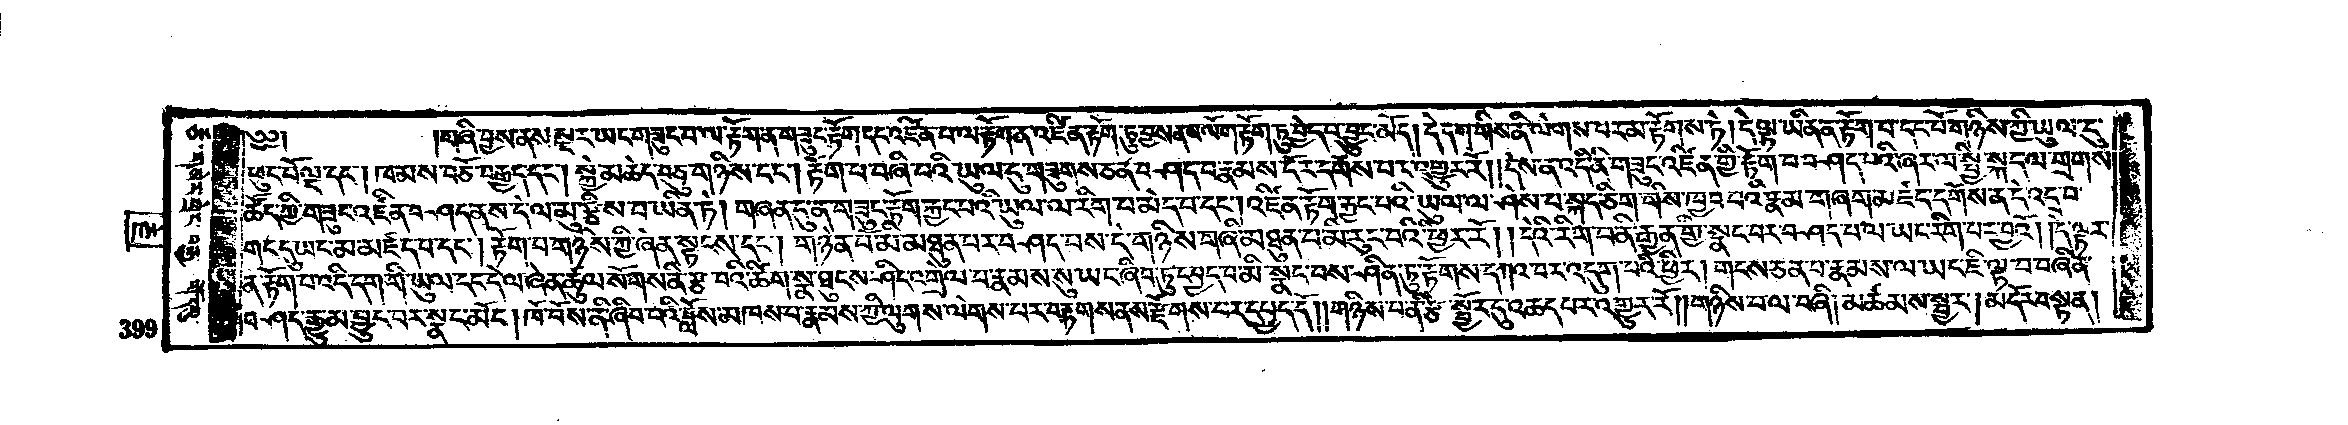༄༅། །གཞི་བྱས་ནས་སྔར་ཡང་གཟུང་བ་ལ་རྟོག་ན་གཟུང་རྟོག་དང་འཛིན་པ་ལ་རྟོག་ན་འཛིན་རྟོག་ཏུ་བྱས་ནས་ལོག་རྟོག་ཏུ་བྱེད་པ་བྱུང་མོད། དེ་དག་གིས་ནི་ལེགས་པར་མ་རྟོགས་ཏེ། དེ་ལྟ་ཡིན་ན་རྟོག་པ་དང་པོ་གཉིས་ཀྱི་ཡུལ་དུ་
ཕུང་པོ་ལྔ་དང་། ཁམས་བཅོ་བརྒྱད་དང་། སྐྱེ་མཆེད་བཅུ་གཉིས་དང་། རྟོག་པ་བཞི་པའི་ཡུལ་དུ་གཟུགས་ཅན་བཤད་པ་རྣམས་དོར་དགོས་པར་འགྱུར་རོ། །དེས་ན་འདི་ནི་གཟུང་འཛིན་གྱི་རྟོག་པ་བཤད་པའི་ཞང་ལ་སྤྱི་སྐད་ལ་གྲགས་
ཚོད་ཀྱི་གཟུང་འཛིན་བཤད་ནས་དེ་ལ་མུ་རྩིས་པ་ཡིན་ཏེ། གཞན་དུ་ན་གཟུང་རྟོག་རྐྱང་པའི་ཡུལ་ལ་རིག་པ་མེད་པ་དང་། འཛིན་རྟོག་རྐྱང་པའི་ཡུལ་ལ་ཤེས་པ་སྐད་ཅིག་གིས་ཁྱབ་པའི་རྣམ་གཞག་མཛད་དགོས་ན་དེ་འདྲ་བ་
གང་དུ་ཡང་མ་མཛད་པ་དང་། རྟོག་པ་གཉིས་ཀྱི་ཞེན་སྟངས་དང་། གཉེན་པོ་མི་མཐུན་པར་བཤད་པས་དེ་གཉིས་གཞི་མཐུན་པ་མི་རུང་བའི་ཕྱིར་རོ། །དེའི་རིག་པ་ནི་རྒྱན་གྱི་སྣང་བར་བཤད་པ་ལ་ཡང་རིག་པར་བྱའོ། །དེ་ལྟར་
ན་རྟོག་པ་འདི་དག་གི་ཡུལ་དང་དེ་ལ་ཞེན་ཚུལ་སོགས་ནི་རྩ་བའི་ཚིག་སྣ་ཐུངས་ཤིང་འགྲེལ་པ་རྣམས་སུ་ཡང་ཞིབ་ཏུ་དཔྱད་པ་མི་སྣང་བས་ཤིན་ཏུ་རྟོགས་དཀའ་བར་འདུག་པའི་ཕྱིར། གངས་ཅན་པ་རྣམས་ལ་ཡང་ཇི་ལྟ་བ་བཞིན་
བཤད་རྒྱུ་མ་བྱུང་བར་སྣང་མོང་། ཁོ་བོས་ནི་ཞིབ་པའི་བློས་མཁས་པ་རྣམས་ཀྱི་ལུགས་ལེགས་པར་བརྟགས་ནས་རྫོགས་པར་དཔྱད་དོ། །གཉིས་པ་ནི་རྩེ་སྦྱོར་དུ་འཆད་པར་འགྱུར་རོ། །གཉིས་པ་ལ་བཞི། མཚམས་སྦྱར། མདོར་བསྟན།